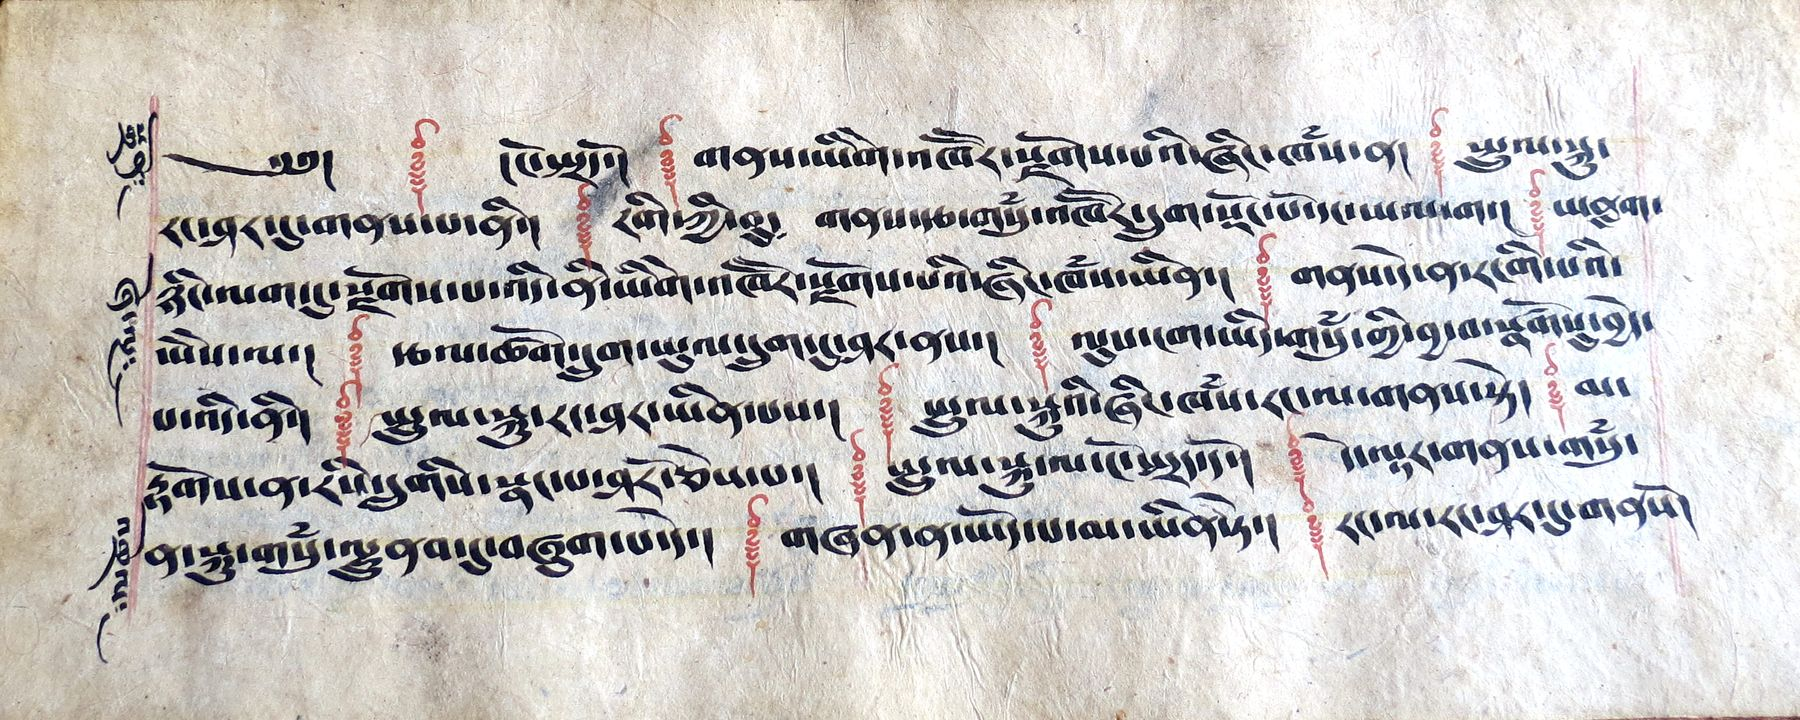ངོ་སྤྲད་དོ། །གནས་ཡི་གེ་འཁོར་ལོ་རྫོགས་པའི་ཞིང་ཁམས་ན། སྤྲུལ་སྐུ་
རང་ཤར་དུ་གནས་པ་ནི། རིགས་ཀྱི་བུ་གནས་རྩ་གསུམ་འཁོར་ལོ་དྲུག་སྡོང་པོ་དང་ཡལ་ག་ཡན་ལག་
ཉིང་ལག་ཏུ་རྫོགས་པ་འདི་ནི། ཡི་གེ་འཁོར་ལོ་རྫོགས་པའི་ཞིང་ཁམས་ཡིན། གནས་དེ་ན་རང་རིག་པའི་
ཡེ་ཤེས་ལ། རྩལ་ཚོགས་དྲུག་ཡུལ་དྲུག་ཏུ་ཤར་ནས། ལུས་ངག་ཡིད་གསུམ་གྱི་བྱ་བ་སྣ་ཚོགས་སུ་བྱེད་
པ་འདི་ནི། སྤྲུལ་སྐུ་རང་ཤར་ཡིན་པས། སྤྲུལ་སྐུའི་ཞིང་ཁམས་རང་ལ་གནས་ཏེ། མ་
རྟོགས་ན་རིས་དྲུག་གི་སྣང་བ་ཤར་རོ། །ཞེས་པས། སྤྲུལ་སྐུ་རུ་ངོ་སྤྲོད་དོ། །དེ་ལྟར་གནས་གསུམ་
ན་སྐུ་གསུམ་ལྷུན་གྲུབ་ཏུ་བཞུགས་པ་དེ། གཞན་ན་ཡོད་པ་མ་ཡིན་ཏེ། རང་ལ་རང་ཤར་དུ་གནས་སོ། །